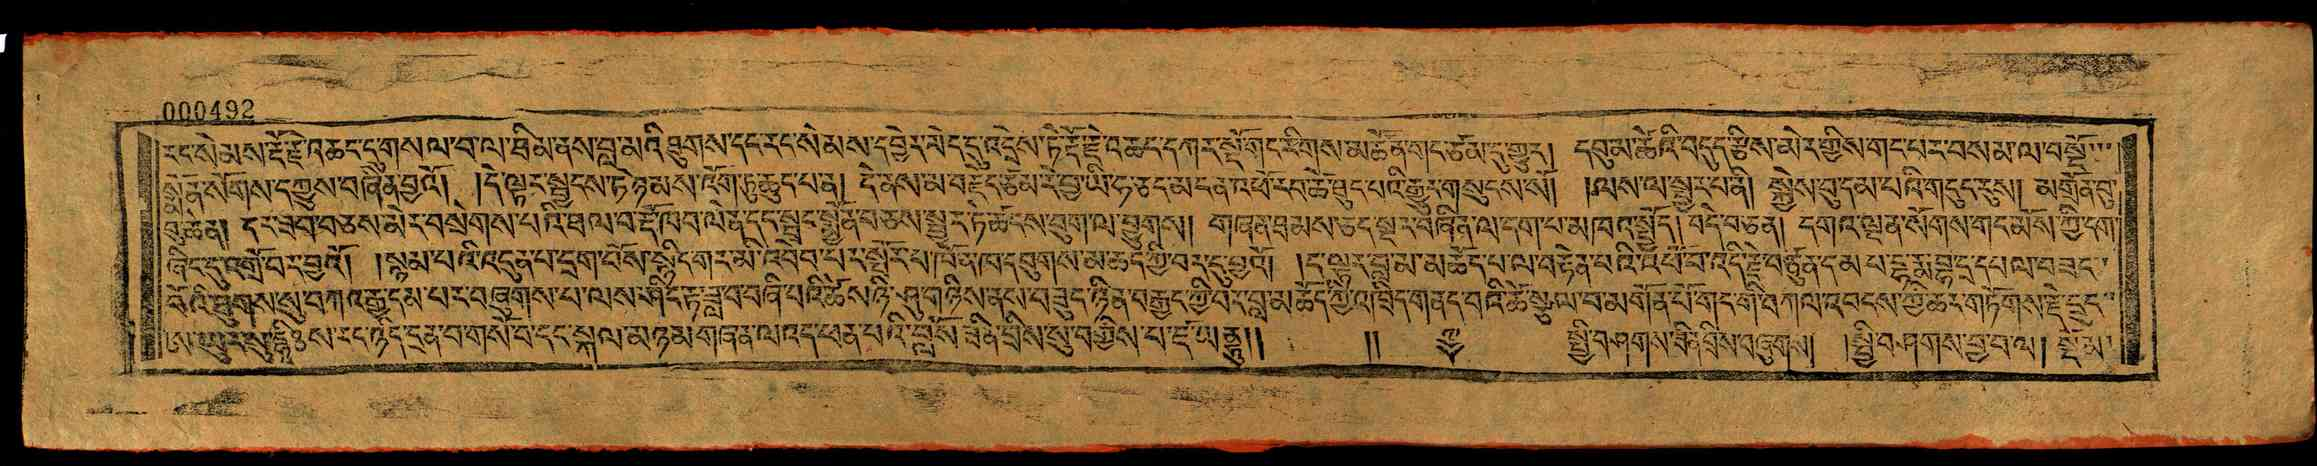རང་སེམས་རྡོ་རྗེ་འཆང་དུ་གསལ་བ་ལ་ཐིམ་ནས་བླ་མའི་ཐུགས་དང་རང་སེམས་དབྱེར་མེད་དུ་འདྲེས་ཏེ་རྡོ་རྗེ་འཆང་དཀར་སྔོ་གང་རིགས་མཚོན་གང་ཙམ་དུ་གྱུར། དབུ་མ་ཚེའི་བདུད་རྩིས་མེར་གྱིས་གང་བར་བསམ་ལ་བསྔོ་
སྨོན་སོགས་དཀྱུས་བཞིན་བྱའོ། །དེ་ལྟར་སྦྱངས་ཏེ་ཉམས་འོག་ཏུ་ཆུད་པ་ན། དེ་ནས་མ་བརྗེད་ཙམ་རེ་བྱ་ཡི་ཧ་ཅང་མང་ན་འཕོ་རབ་ཚེ་ཐུང་བའི་རྒྱུར་གསུངས་སོ། །ལས་ལ་སྦྱར་བ་ནི། སྐྱེས་བུ་དམ་པའི་གདུང་རུས་མགྲོན་བུ་
བུ་ཆེན། དར་ཟབ་བཅས་མེར་བསྲེགས་པའི་ཐལ་བ་རྡོ་ཁབ་ལེན་དང་སྦྲད་སྨྱོན་བཅས་སྦྱར་ཏེ་ཚངས་བུག་ལ་བྱུགས། གཞན་ཐམས་ཅད་སྔར་བཞིན་ལ་དག་པ་མཁའ་སྤྱོད། བདེ་བ་ཅན། དགའ་ལྡན་སོགས་གང་མོས་ཀྱི་དག་
ཞིང་དུ་འགྲོ་བར་བྱའོ། །སྙམ་པའི་འདུན་པ་དྲག་པོས་སྙིང་གར་མི་འབེབ་པར་སྤོར་པ་ཁོ་ན་ཁ་དབུགས་མ་ཆད་ཀྱི་བར་དུ་བྱའོ། །དེ་ལྟར་བླ་མ་མཆོད་པ་ལ་བརྟེན་པའི་འཕོ་བ་འདི་རྗེ་བཙུན་དམ་པ་དྷརྨ་བྷ་དྲ་དཔལ་བཟང་
པོའི་ཐུགས་སུ་བཀའ་རྒྱ་དམ་པར་བཞུགས་པ་ལས་ཤིང་རྟ་ཟླ་བ་བཞི་པའི་ཚེས་ཉི་ཤུ་གཉིས་ནས་བཟུང་ཉིན་བརྒྱད་ཀྱི་བར་བླ་མཆོད་ཀྱི་འཁྲིད་གནང་བའི་ཚེ་སྩལ་བ་མགོན་པོ་གང་གི་བཀའ་འབངས་ཀྱི་ཆར་གཏོགས་རྗེ་དྲུང་
ཨ་ཡུར་སུདྷའིཿ ས་རང་ཉིད་དྲན་པ་གསོ་བ་དང་སྐལ་མཉམ་གཞན་ལའང་ཕན་པའི་བློས་ཟིན་བྲིས་སུ་བགྱིས་པ་ཛ་ཡནྟུ།། །། ༈ སྤྱི་བཤགས་ཟིན་བྲིས་བཞུགས། །སྤྱི་བཤགས་བྱ་བ་ལ། སྡོམ་